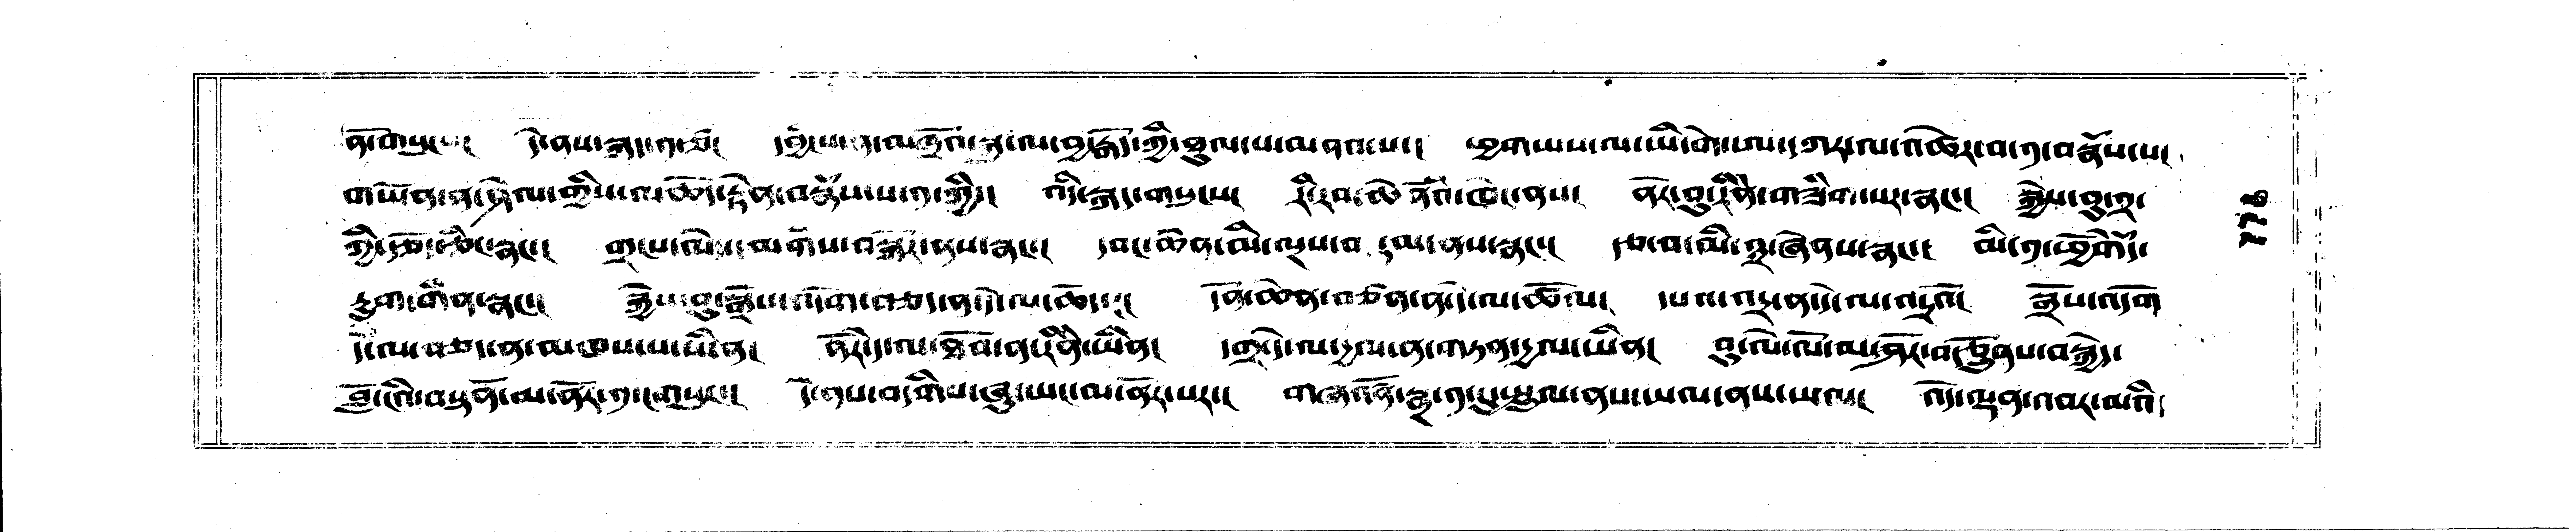ནོ་གསུངས།དེ་ནས་སྐད་ཅིག་ཙ། དབྱིངས་ན་མཁའ་འགྲོ་སྐུ་ལ་བྱ་རྒོད་ཀྱི་ཐུལ་པ་མནབས་པ། ཕྱག་གཡས་ལ་ཡི་གེ་ཨ་དཀར་ལ་འཚེར་བ་ཞིག་བསྣམས་པ། 
གཡོན་ན་ཤེལ་གྱི་མཆོད་རྟེན་བསྣམས་པ་ཅིག་ཀྱི་’གིས’། འདི་སྐད་གསུངས། རི་རབ་ཆེན་པོའི་ཁང་ནས། །ནོར་བུ་རིན་ཆེན་གཟིགས་པར་‘གཟི་འབར་’སྣང་། །སྐྱེས་བུ་གཉིས་
ཀྱི་རྩོད་ཅིང་སྣང་། །གྲངས་མེད་དམག་གིས་བསྐོར་ནས་སྣང་། །དབང་ཆེན་མི་ལྔས་བསྡམས་ནས་སྣང་། །རྩ་བ་མི་གསུམ་ཞེན་ནས་སྣང་། །མི་ཅིག་ཕྱོགས་མེད་
རྒྱུག་གིན་སྣང་། །སྐྱེས་བུ་སྒྲོས་འདོགས་བཅད་ན་དེ་ལ་ཆོད། །དོན་ཆེན་བཙན་ན་དེ་ལ་ཚོལ། དཔའ་འདྲ་ན་དེ་ལ་འདྲའོ། །’དཔའ་སྡར་འདྲེན་དེ་ལ་འདྲེན་ སྒྲོས་འདོགས་
དེ་ལ་བཅད་ན་མཁས་པ་ཡིན། །ནོར་དེ་ལས་ཐོབ་ན་རིན་ཆེན་ཡིན། །དགྲ་དེ་ལས་རྒྱལ་ན་གཏན་རྒྱལ་ཡིན། །བུ་ལེ་ལོ་མ་ཤོར་བརྩོན་འགྲུས་སྐྱེད། 
།བློ་ང་ཡིས་བསྟན་ནོ་མ་ནོར་ཅིག་གསུངས། དེ་ནས་བདག་གིས་ཞུ་ཡང་མ་ནོར་པར། གཞའ་ཚོན་སྣ་ལྔ་ཅིག་ཏུ་སྤྲུལ་ནས་ཡལ་ནས་ཡལ་‘ཐལ’།